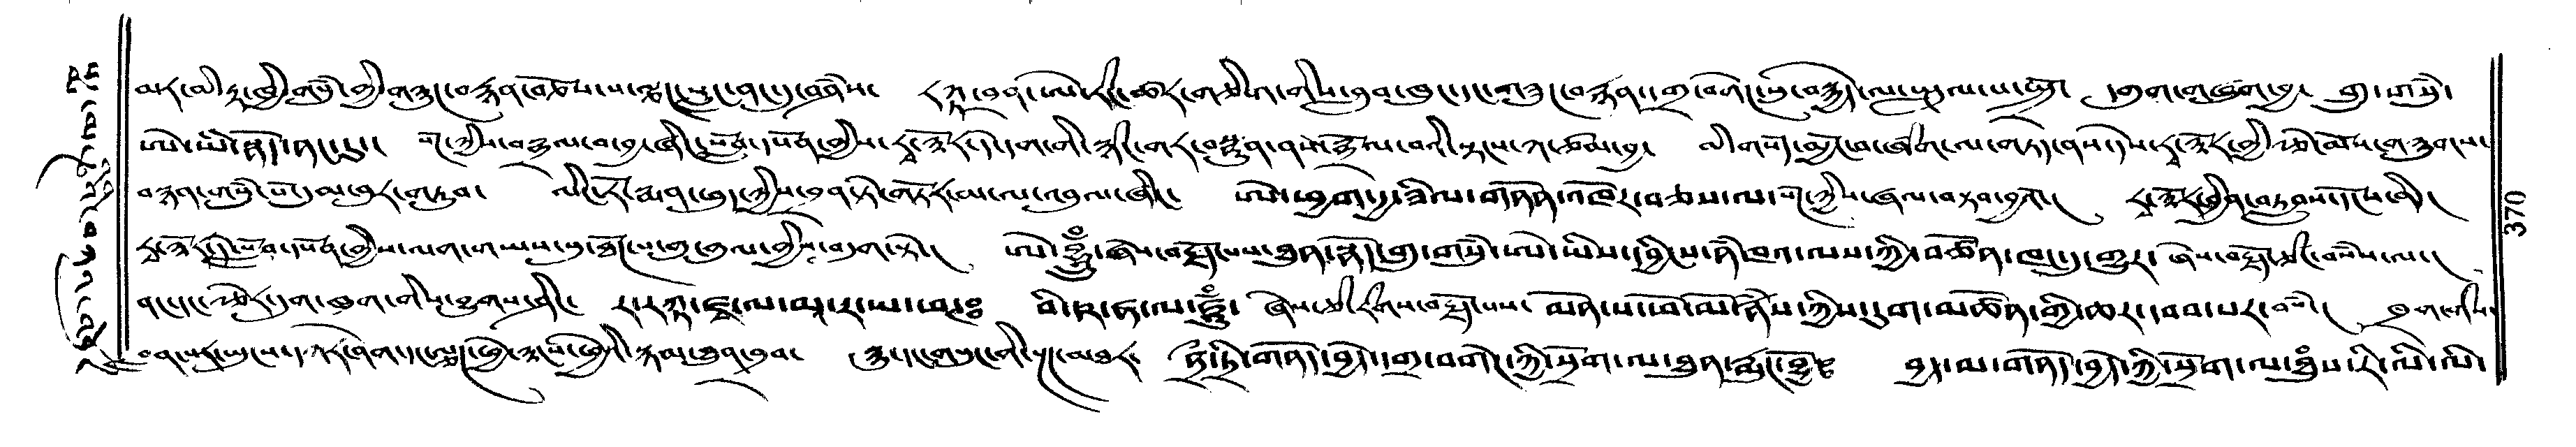མར་མི་རྟ་ཁྱི་གསུམ་གྱི་གཟུགས་བརྙན་བཅོས་པ་ལྕགས་སླང་ནང་དུ་བཤམ། རཀྟ་བྲན་ཨེ་རིང་ཚར་གཅིག་གིས་བྲུབ་ཁུང་དང་གཟུགས་བརྙན་དགྲ་བགེགས་སུ་བསྐྱེད་ལ་སྤྲུལ་པ་སྤྲོ། དགུག་གཞུག་བྱ། གྲུ་གསུམ་
ཨེ་ཡི་སྣོད་ནང་དུ༴ སོགས་ཀྱིས་བསྒྲལ་བ་བྱ་ཞིང་སློབ་དཔོན་གྱིས་རྭ་ཟོར་དེ་དག་གི་སྙིང་གར་བསྣུན་ནས་སྒྲོལ་བའི་སྟངས་ཀ་ཙམ་བྱ། མི་གསོད་མྱོང་བ་ཞིག་ལ་གཏད་ནས་དེས་རྭ་ཟོར་གྱི་རྩེ་མོས་གཟུགས་
བརྙན་གསུམ་པོ་དུམ་བུར་གཏུབ། ལིང་རོ་སྨན་ཕུད་ཀྱིས་བྲན་ཏེ་གཏོར་མ་ལ་འབུལ་ཞིང་། ཨེ་ཕྱག་རྒྱ་ཟིལ་གནོན་འཁོར་བཅས་ལ་སོགས་ཀྱིས་ཞལ་བསྟབ་བྱའོ། རྭ་ཟོར་བྱིན་རླབས་དངོས་ནི། 
རྭ་ཟོར་དེ་སློབ་དཔོན་གྱིས་ལག་གཡས་སུ་ཐོགས་པ་གུ་གུལ་གྱིས་བདུག་སྟེ། ཨེ་བྷཱུྃ། ཞེས་བརྗོད་པས། ཐུན་སྣོད་གྲུ་གསུམ་ཨེ་ཡིས་དབྱིངས་ནམ་མཁའ་ལས་ཀྱི་བཙོན་ཁང་དུ་གྱུར། ཞེས་བརྗོད་ཅིང་བསམ་ལ། 
ནང་དང་རྩེར་དུག་ཁྲག་གིས་བྱུགས་ཤིང་། ར་རཀྟ་ཛྭ་ལ་མཱ་ར་ཡ་ཕཊཿ བི་ར་ཧ་ལ་ཧཱུྃ། ཞེས་ཅི་རིགས་བརྗོད་པས། མོན་པ་ཕོ་མོ་རྣམས་ཀྱིས་དུག་མཚོན་གྱི་ཆར་དབབ་པར་བསམ། ཁྲག་གིས་
རླན་པར་ཡུངས་དཀར་ནག་དང་ལྕགས་ཕྱེ་ཟངས་ཕྱེའི་སྐམ་ཐུན་བྲབ། སྐུ་དང་གསུང་གི་སྔགས་མཐར། ནྲྀ་ཏྲི་གནོད་བྱེད་དགྲ་བགེགས་ཀྱི་སྲོག་ལ་ཐུན་རྨུགས་བྷྱོ༔བྱད་མ་གནོད་བྱེད་ཀྱི་སྲོག་ལ་ཐུམ་རི་ལི་ལི་